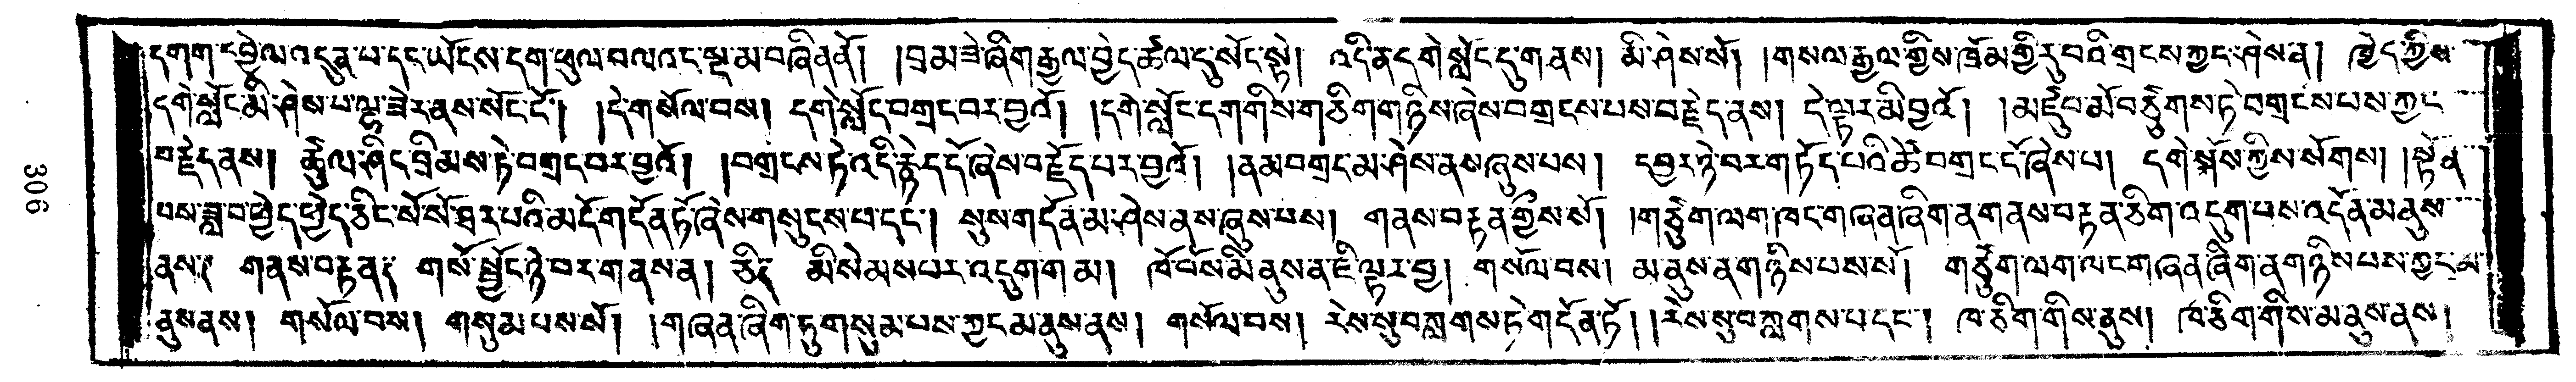དགག་དབྱེ་ལ་འདུན་པ་དང་ཡོངས་དག་ཕུལ་བ་ལའང་སྔ་མ་བཞིན་ནོ། །བྲམ་ཟེ་ཞིག་རྒྱལ་བྱེད་ཚལ་དུ་སོང་སྟེ། འདི་ནད་དགེ་སློང་དུ་གནས། མི་ཤེས་སོ། །གསལ་རྒྱལ་གྱིས་ཁྲོམ་གྱི་རུ་བའི་གྲངས་ཀྱང་ཤེས་ན། ཁྱེད་ཀྱིས་
དགེ་སློང་མི་ཤེས་པ་ལྷ་ཟེར་ནས་སོང་ངོ། །དེ་གསོལ་བས། དགེ་སློང་བགྲང་བར་བྱའོ། །དགེ་སློང་དག་གིས་གཅིག་གཉིས་ཞེས་བགྲངས་པས་བརྗེད་ནས། དེ་ལྟར་མི་བྱའོ། །མཛུབ་མོ་བཙུགས་ཏེ་བགྲངས་པས་ཀྱང་
བརྗེད་ནས། ཚུལ་ཤིང་བྲིམས་ཏེ་བགྲང་བར་བྱའོ། །བགྲངས་ཏེ་འདི་རྙེད་དོ་ཞེས་བརྗོད་པར་བྱའོ། །ནམ་བགྲང་མ་ཤེས་ནས་ཞུས་པས། དབྱར་ཉེ་བར་གཏོད་པའི་ཚེ་བགྲང་ངོ་ཞེས་པ། དགེ་སོས་ཀྱིས་སོགས། །སྟོན་
པས་ཟླ་བ་ཕྱེད་ཕྱེད་ཅིང་སོ་སོ་ཐར་པའི་མདོ་གདོན་ཏོ་ཞེས་གསུངས་པ་དང་། སུས་གདོན་མ་ཤེས་ནས་ཞུས་པས། གནས་བརྟན་གྱིས་སོ། །གཙུག་ལག་ཁང་གཞན་ཞིག་ན་གནས་བརྟན་ཅིག་འདུག་པས་འདོན་མ་ནུས་
ནས༑ གནས་བརྟན༑ གསོ་སྦྱོང་ཉེ་བར་གནས་ན། ཅི༑ མི་སེམས་པར་འདུག་གམ། ཁོ་བོས་མི་ནུས་ན་ཇི་ལྟར་བྱ། གསོལ་བས། མ་ནུས་ན་གཉིས་པས་སོ། གཙུག་ལག་ལང་གཞན་ཞིག་ན་གཉིས་པས་ཀྱང་མ་
ནུས་ནས། གསོལ་བས། གསུམ་པས་སོ། །གཞན་ཞིག་ཏུ་གསུམ་པས་ཀྱང་མ་ནུས་ནས། གསོལ་བས། རེས་སུ་བཀླགས་ཏེ་གདོན་ཏོ། །རེས་སུ་བཀླགས་པ་དང་། ཁ་ཅིག་གིས་ནུས། ཁ་ཅིག་གིས་མ་ནུས་ནས།